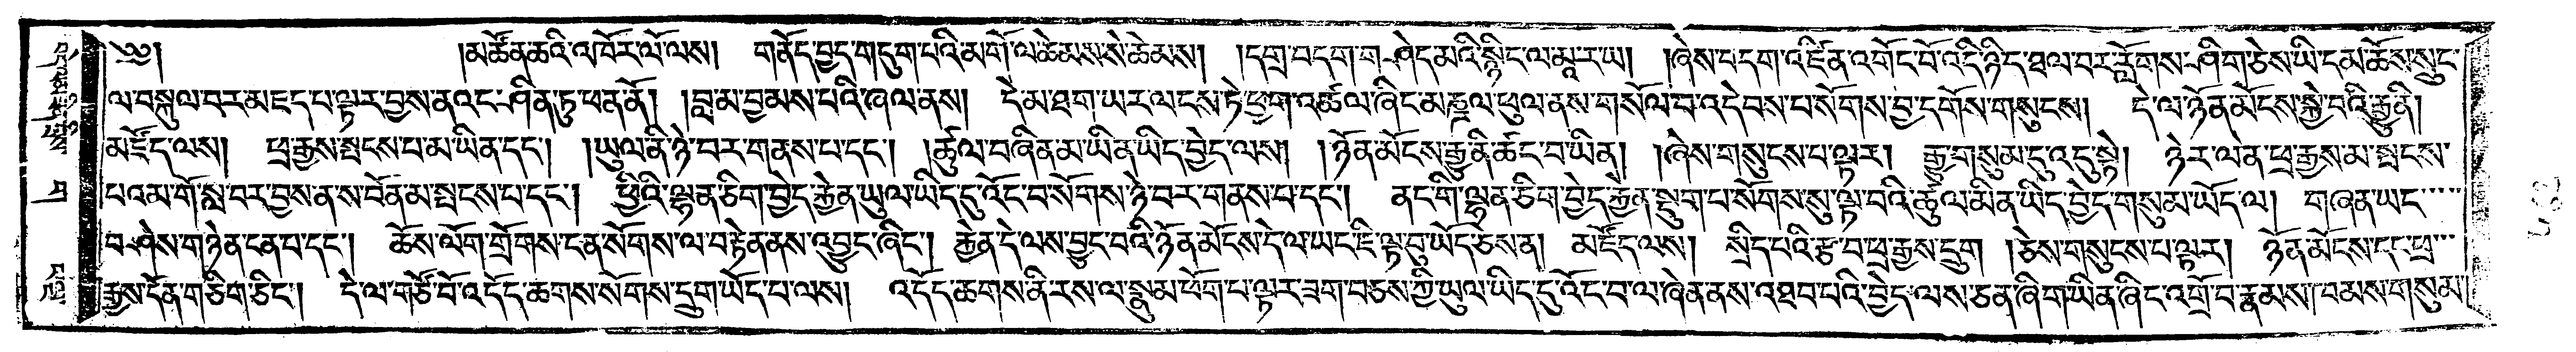༄༅། །མཚོན་ཆའི་འཁོར་ལོ་ལས། གནོད་བྱད་གདུག་པའི་མགོ་ལ་ཆེམས་སེ་ཆེམས། །དགྲ་བདག་གཤེད་མའི་སྙིང་ལ་མཱ་ར་ཡ། །ཞེས་བདག་འཛིན་འགོང་བོ་འདི་ཉིད་ཐལ་བར་རློགས་ཤིག་ཅེས་ཡིད་མ་ཆོས་སྲུང་
ལ་བསྐུལ་བར་མཛད་པ་ལྟར་བྱས་ནའང་ཤིན་ཏུ་ཕན་ནོ། །བླ་མ་བྱམས་པའི་ཞལ་ནས། དེ་མ་ཐག་ཡར་ལངས་ཏེ་ཕྱག་འཚལ་ཞིང་མཎྜལ་ཕུལ་ནས་གསོལ་བ་འདེབས་པ་སོགས་བྱ་དགོས་གསུངས། དེ་ལ་ཉོན་མོངས་སྐྱེ་བའི་རྒྱུ་ནི།
མཛོད་ལས། ཕྲ་རྒྱས་སྤངས་པ་མ་ཡིན་དང་། །ཡུལ་ནི་ཉེ་བར་གནས་པ་དང་། །ཚུལ་བ་བཞིན་མ་ཡིན་ཡིད་བྱེད་ལས། །ཉོན་མོངས་རྒྱུ་ནི་ཚང་བ་ཡིན། །ཞེས་གསུངས་པ་ལྟར། རྒྱུ་གསུམ་དུ་འདུ་སྟེ། ཉེར་ལེན་ཕྲ་རྒྱས་མ་སྤངས་
བའམ་གོ་སླ་བར་བྱས་ན་ས་བོན་མ་སྤངས་པ་དང་། ཕྱིའི་ལྷན་ཅིག་བྱེད་རྐྱེན་ཡུལ་ཡིད་དུ་འོང་བ་སོགས་ཉེ་བར་གནས་པ་དང་། ནང་གི་ལྷན་ཅིག་བྱེད་རྐྱེན་སྡུག་པ་སོགས་སུ་ལྟ་བའི་ཚུལ་མིན་ཡིད་བྱེད་གསུམ་ཡོད་ལ། གཞན་ཡང་
བཤེས་གཉེན་ངན་པ་དང་། ཆོས་ལོག་གྲོགས་ངན་སོགས་ལ་བརྟེན་ནས་འབྱུང་ཞིང་། རྐྱེན་དེ་ལས་བྱུང་བའི་ཉོན་མོངས་དེ་ལ་ཡང་ཇི་ལྟ་བུ་ཡོད་ཅེས་ན། མཛོད་ལས། སྲིད་པའི་རྩ་བ་ཕྲ་རྒྱས་དྲུག །ཅེས་གསུངས་པ་ལྟར། ཉོན་མོངས་དང་ཕྲ་
རྒྱས་དོན་གཅིག་ཅིང་། དེ་ལ་གཙོ་བོ་འདོད་ཆགས་སོགས་དྲུག་ཡོད་པ་ལས། འདོད་ཆགས་ནི་རས་ལ་སྣུམ་ཕོག་པ་ལྟར་ཟག་བཅས་ཀྱི་ཡུལ་ཡིད་དུ་འོང་པ་ལ་ཞེན་ནས་འཐབ་པའི་བྱེད་ལས་ཅན་ཞིག་ཡིན་ཞིང་འགྲོ་བ་རྣམས་ཁམས་གསུམ་